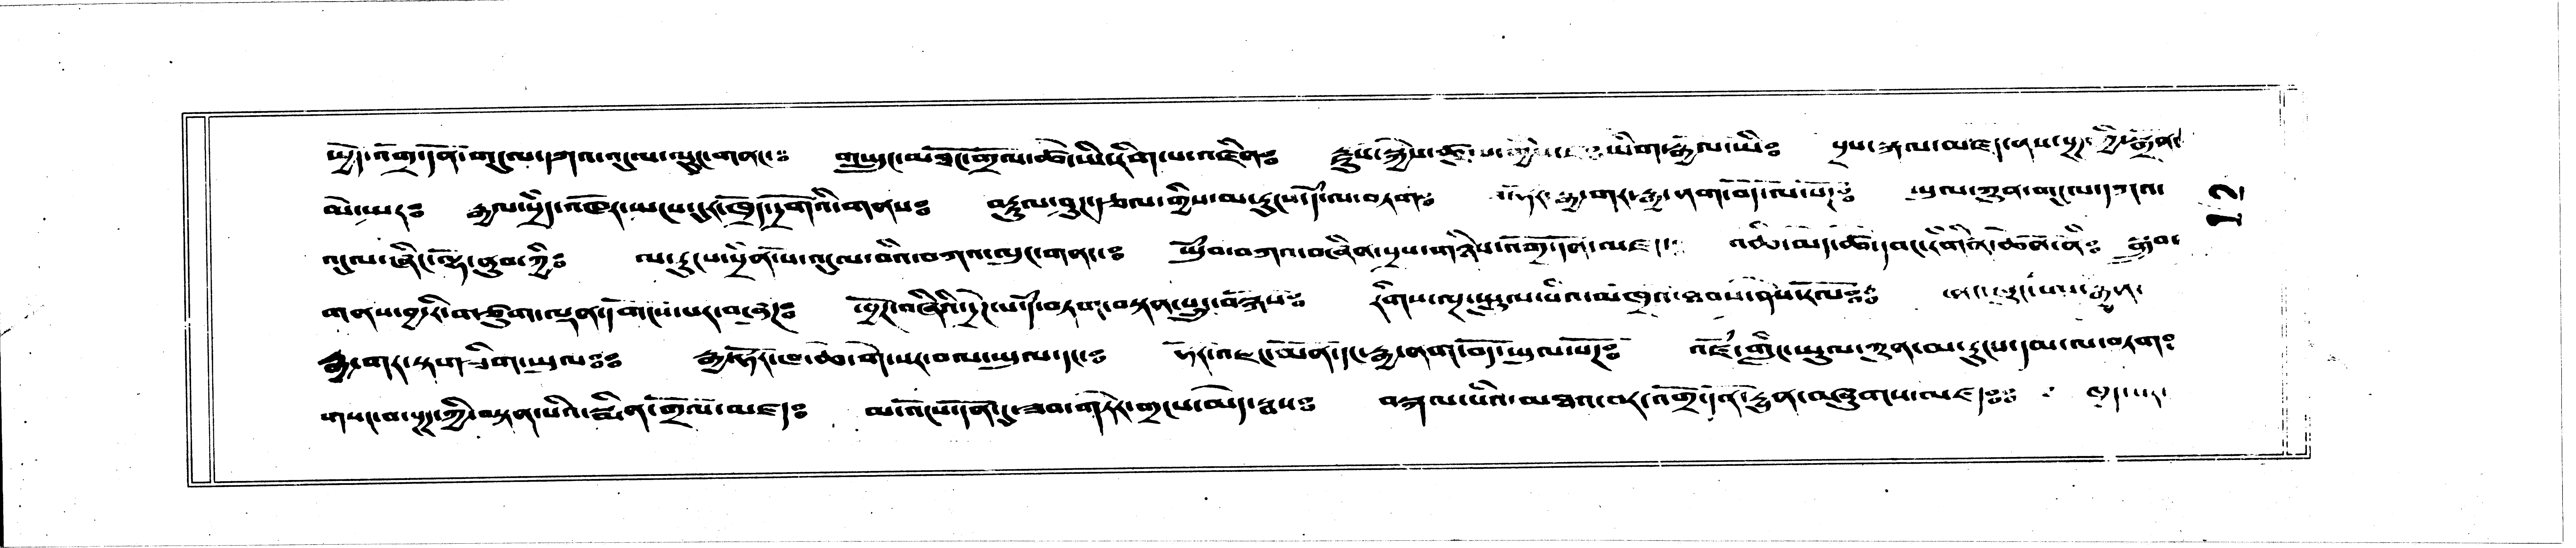སྤྱོད་འགྲོ་དོན་གདུལ་དཀའ་འདུལ་ལུང་གནངཿ གཡུང་དྲུང་མཐོང་གྲོལ་ཚེ་ཡི་རིག་པ་འཛིནཿ རྫུས་སྐྱེས་ཚུལ་གྱིས་༼ཨུ་ཡིག༽རྒྱལ་པོ་ཡིཿ སྲས་སྐལ་མཛད་ནས་སྔགས་ཀྱི་སྒྲོན་
མེ་སྤརཿ རྒྱལ་སྲིད་འཁོར་སྤངས་དུར་ཁྲོད་དྲག་པོའི་གནསཿ རྟུལ་ཞུགས་རྩལ་གྱིས་མ་རུང་དམ་ལ་བཏགསཿ ཟ་ཧོར་རྒྱ་གར་རྒྱ་ནག་བོད་ལ་སོགསཿ ཡུལ་ཀུན་གདུལ་དཀའ་
འདུལ་ཞིང་ལྷོ་ནུབ་ཀྱིཿ མ་རུངས་སྲིན་པོ་འདུལ་བའི་བཀའ་ལུང་གནངཿ ཡབ་ཡུབ་བཀའ་བཞིན་སྲས་གཉིས་འགྲོ་དོན་མཛདཿ འཆི་མེད་ཚེ་དབང་རིག་འཛིན་ཆེན་པོ་ནིཿ སྒྲུབ་
གནས་བྱ་རི་གཙུག་ལྡན་དགོིན་པར་བཞུགསཿ ཕྱོགས་བཞི་དྲེགས་པ་དམ་བཏགས་བསྟན་སྲུང་བསྐོསཿ རིགས་ལྔ་སྤྲུལ་པའི་མཁའ་འགྲོ་ཐབས་ཤེས་རོལཿ ཞང་ཞུང་ཨོ་རྒྱན་
རྒྱ་གར་སྟག་གཟིག་ཡུལཿ རྒྱ་ཧོར་ཁ་ཆེ་གེ་སར་བལ་ཡུལ་དངཿ ཧོར་འཇང་མོན་དང་རྒྱ་ནག་བོད་ཡུལ་སོགསཿ འཛམ་གླིང་ཡུལ་ཀུན་མ་རུང་དམ་ལ་བཏགསཿ 
གསང་བ་སྔགས་ཀྱི་བསྟན་པའི་སྨིན་གྲོལ་མཛདཿ མ་འོངས་དོན་དུ་ཟབ་གཏེར་གྲངས་མེད་སྦསཿ བསྐལ་པའི་མཐའ་བར་འགྲོ་དོན་རྒྱུན་བཞུགས་མཛདཿ ཁྱད་པར་